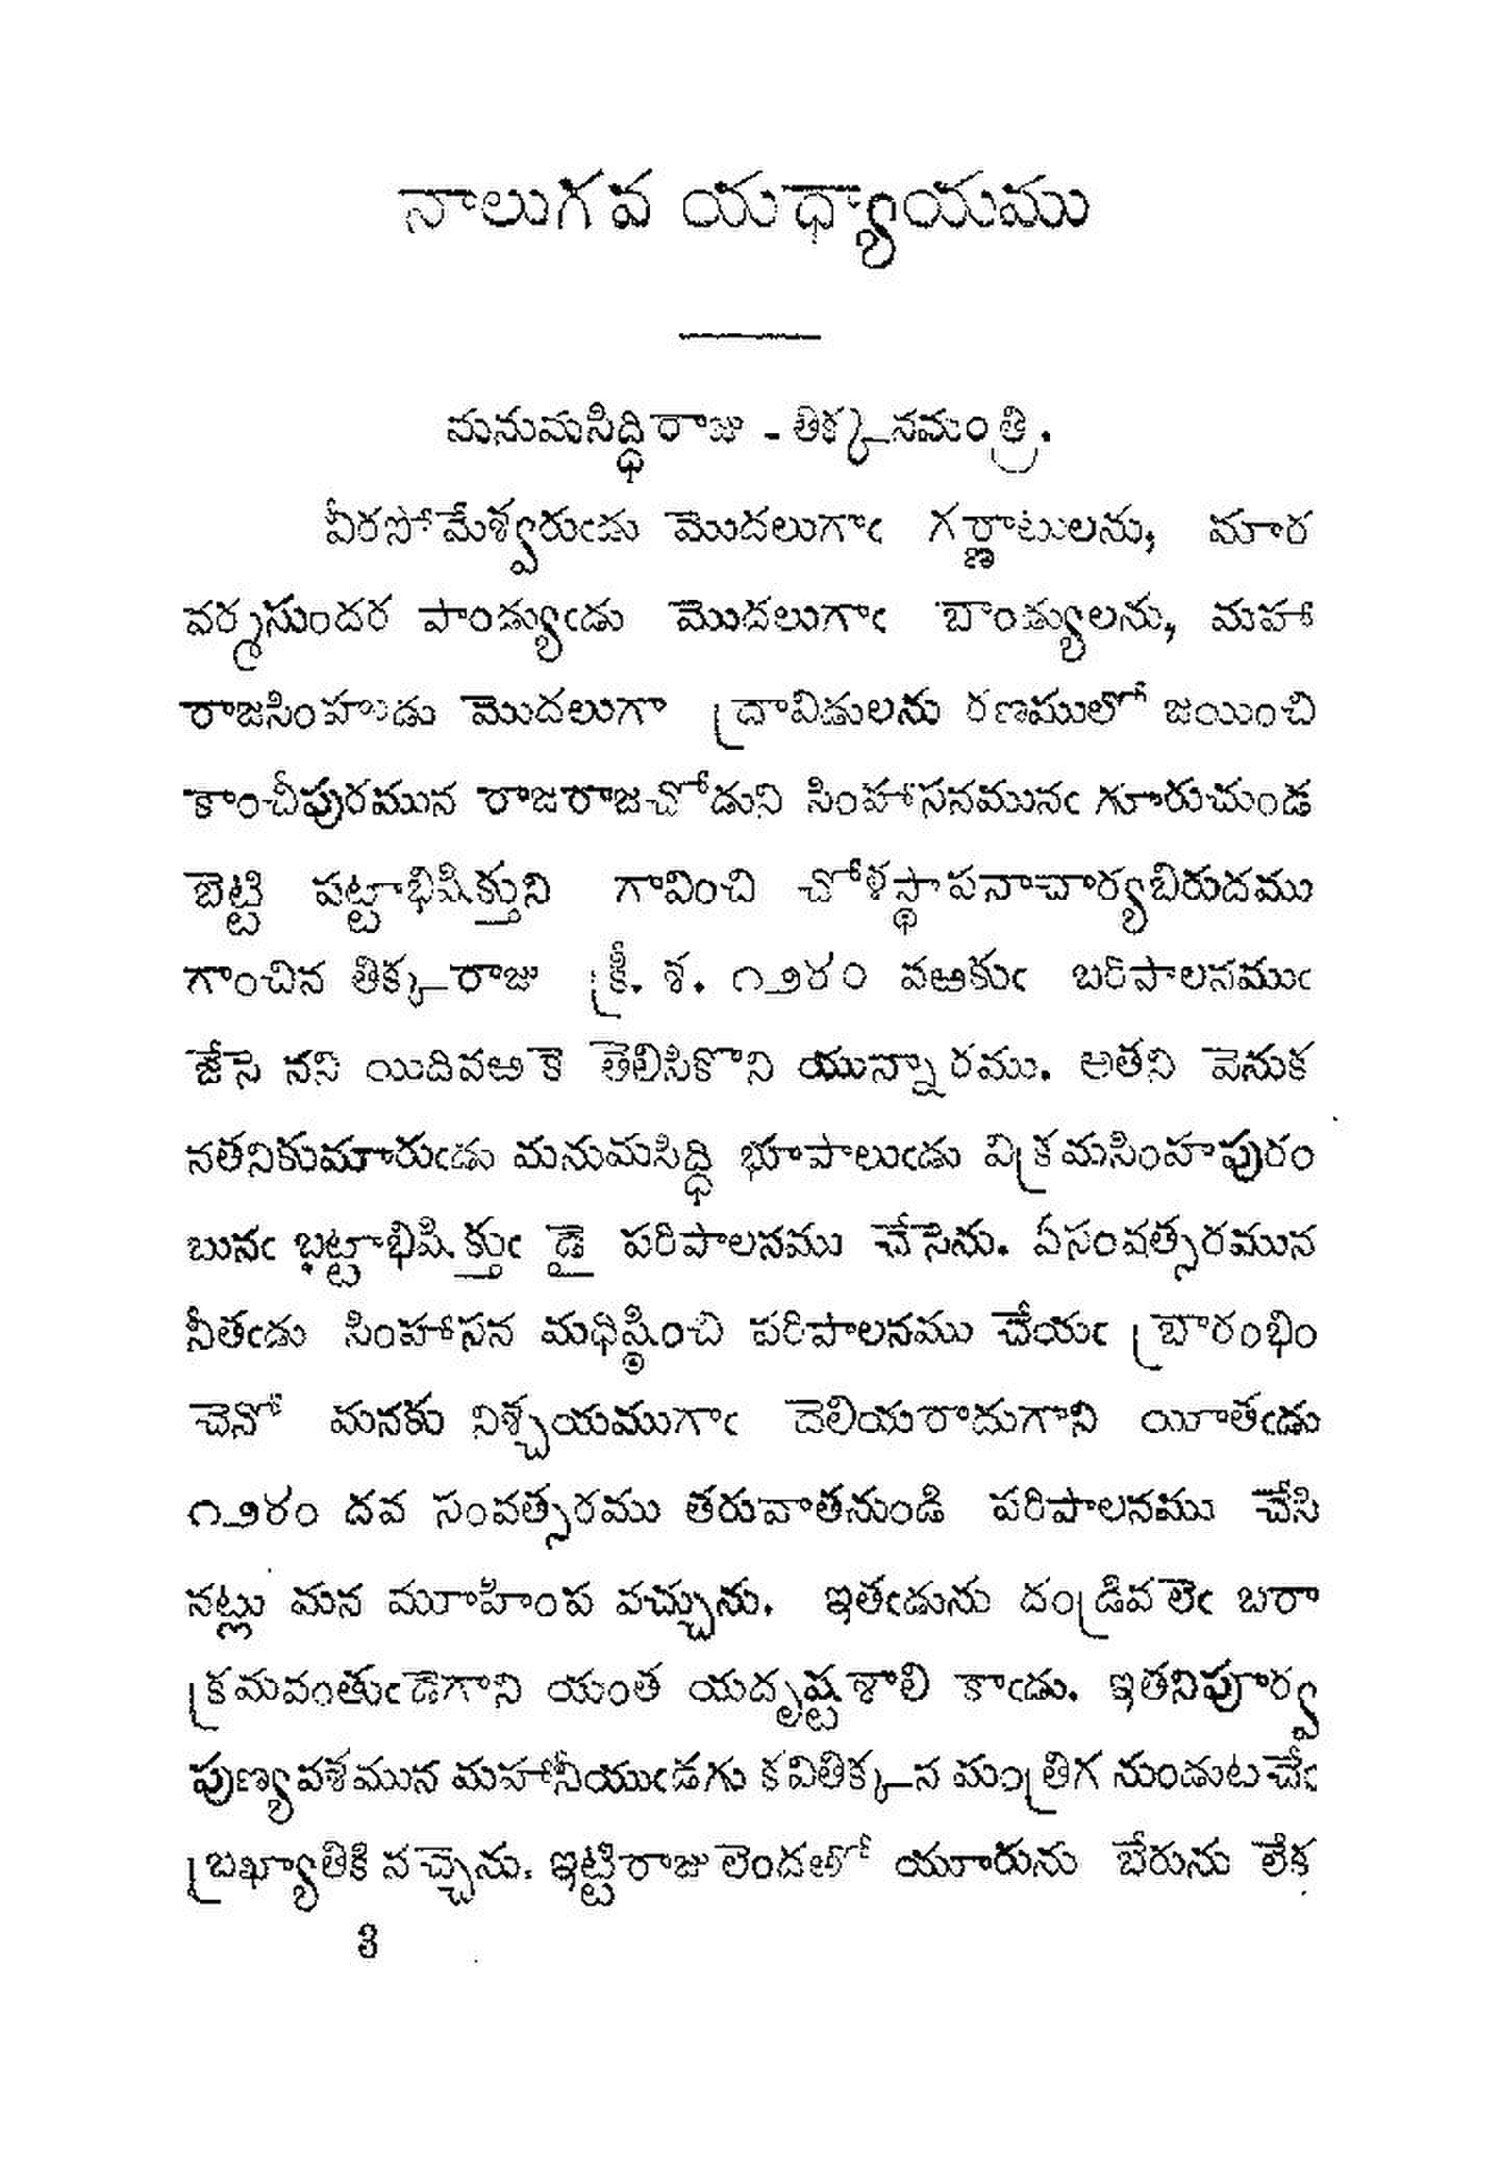నాలుగవ యధ్యాయము
మనుమసిద్ధిరాజు - తిక్కనమంత్రి. 

వీరసోమేశ్వరుఁడు మొదలుగాఁ గర్ణాటులను, మారవర్మసుందర పాండ్యుఁడు మొదలుగాఁ బాండ్యులను, మహారాజసింహుడు మొదలుగా ద్రావిడులను రణములో జయించి కాంచీపురమున రాజరాజచోడుని సింహాసనమునఁ గూరుచుండబెట్టి పట్టాభిషిక్తుని గావించి చోళస్థాపనాచార్య బిరుదము గాంచిన తిక్కరాజు కీ. శ. 1240 వఱకుఁ బరిపాలనముఁ జేసె నని యిదివఱకె తెలిసికొని యున్నారము. అతని వెనుక నతనికుమారుఁడు మనుమసిద్ది భూపాలుఁడు విక్రమసింహపురంబునఁ బట్టాభిషిక్తుఁ డై పరిపాలనము చేసెను. ఏసంవత్సరమున నీతఁడు సింహాసన మధిష్ఠించి పరిపాలనము చేయఁ బ్రారంభించెనో మనకు నిశ్చయముగా దెలియరాదుగాని యీతఁడు 1240 దవ సంవత్సరము తరువాతనుండి పరిపాలనము చేసి నట్లు మన మూహింప వచ్చును. ఇతఁడును దండ్రివలెఁ బరాక్రమవంతుఁడెగాని యంత యదృష్టశాలి కాఁడు. ఇతనిపూర్వ పుణ్యవశమున మహానీయుఁడగు కవితిక్కన మంత్రిగ నుండుటచేఁ బ్రఖ్యాతికి వచ్చెను. ఇట్టిరాజులెందఱో యూరును బేరును లేక